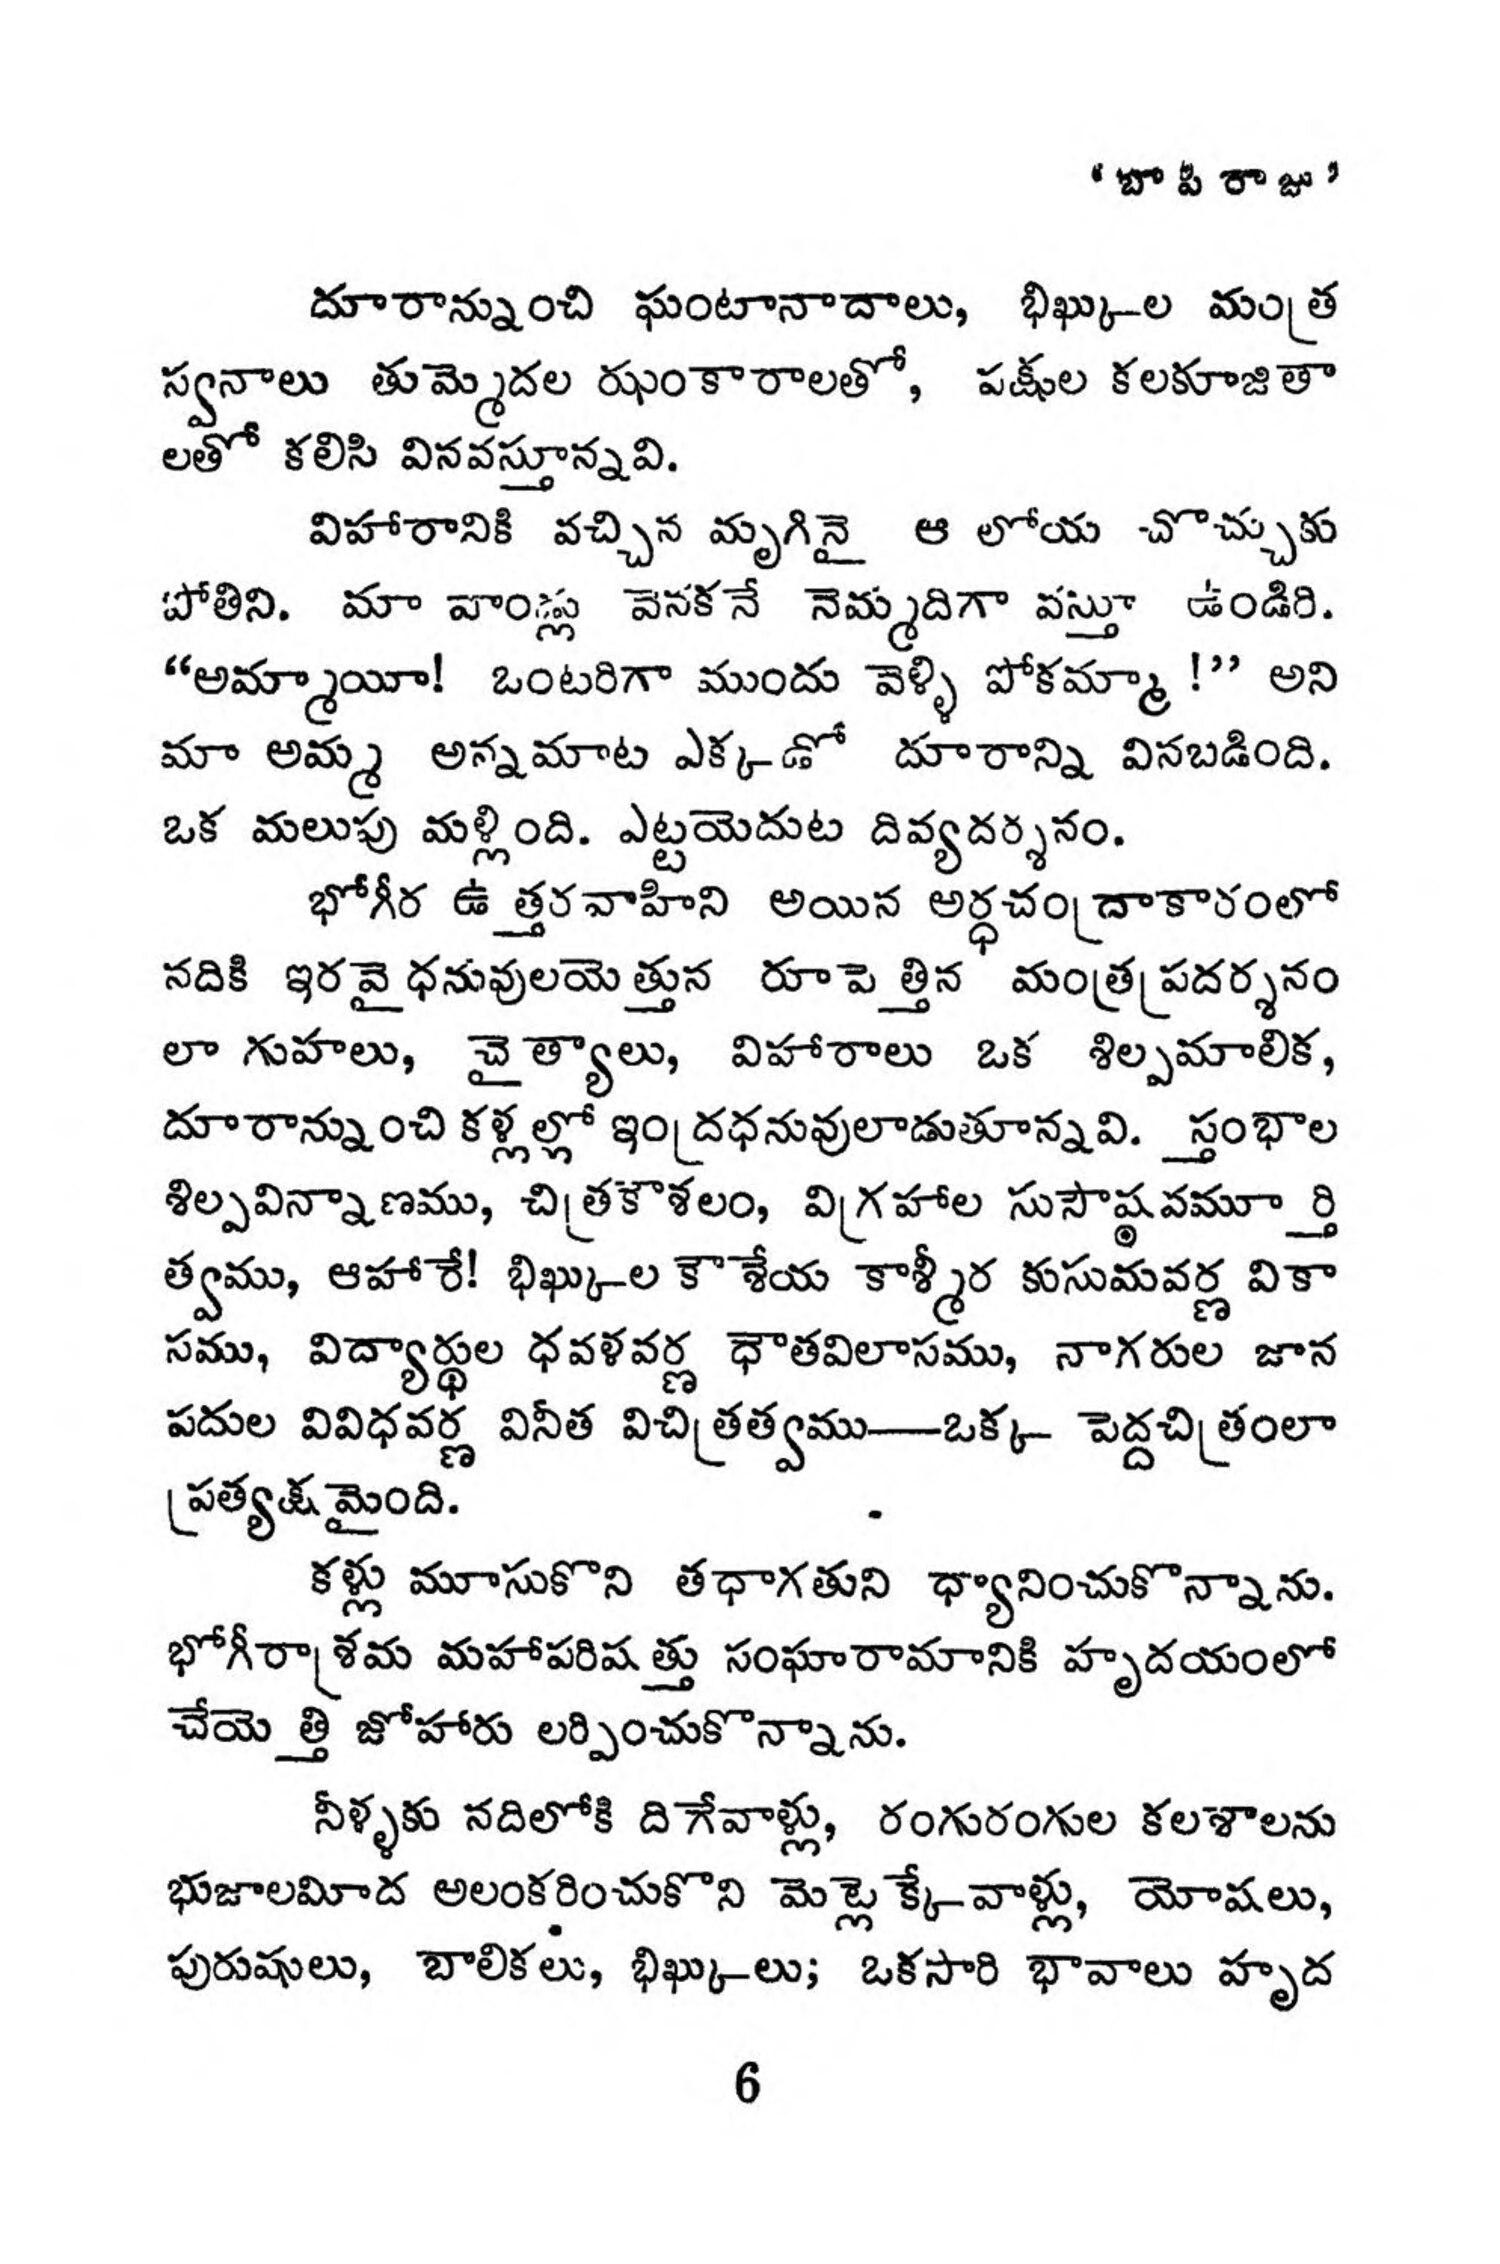దూరాన్నుంచి ఘంటానాదాలు, భిఖ్కుల మంత్రస్వనాలు తుమ్మెదల ఝంకారాలతో, పక్షుల కలకూజితాలతో కలిసి వినవస్తూన్నవి.

విహారానికి వచ్చిన మృగినై ఆ లోయ చొచ్చుకు పోతిని. మా వాండ్లు వెనకనే నెమ్మదిగా వస్తూ ఉండిరి. “అమ్మాయీ! ఒంటరిగా ముందు వెళ్ళి పోకమ్మా!” అని మా అమ్మ అన్నమాట ఎక్కడో దూరాన్ని వినబడింది. ఒక మలుపు మళ్లింది. ఎట్టయెదుట దివ్యదర్శనం.

భోగీర ఉత్తరవాహిని అయిన అర్ధచంద్రాకారంలో నదికి ఇరవైధనువులయెత్తున రూపెత్తిన మంత్రప్రదర్శనంలా గుహలు, చైత్యాలు, విహారాలు ఒక శిల్పమాలిక, దూరాన్నుంచి కళ్లల్లో ఇంద్రధనువులాడుతూన్నవి. స్తంభాల శిల్పవిన్నాణము, చిత్రకౌశలం, విగ్రహాల సుసౌష్ఠవమూర్తిత్వము, ఆహారే! భిఖ్కుల కౌశేయ కాశ్మీర కుసుమవర్ణ వికాసము, విద్యార్థుల ధవళవర్ణ ధౌతవిలాసము, నాగరుల జానపదుల వివిధవర్ణ వినీత విచిత్రత్వము - ఒక్క పెద్దచిత్రంలా ప్రత్యక్షమైంది.

కళ్లు మూసుకొని తధాగతుని ధ్యానించుకొన్నాను. భోగీరాశ్రమ మహాపరిషత్తు సంఘారామానికి హృదయంలో చేయెత్తి జోహారు లర్పించుకొన్నాను.

నీళ్ళకు నదిలోకి దిగేవాళ్లు, రంగురంగుల కలశాలను భుజాలమీద అలంకరించుకొని మెట్లేక్కేవాళ్లు, యోషలు, పురుషులు, బాలికలు, భిఖ్కులు; ఒకసారి భావాలు హృద